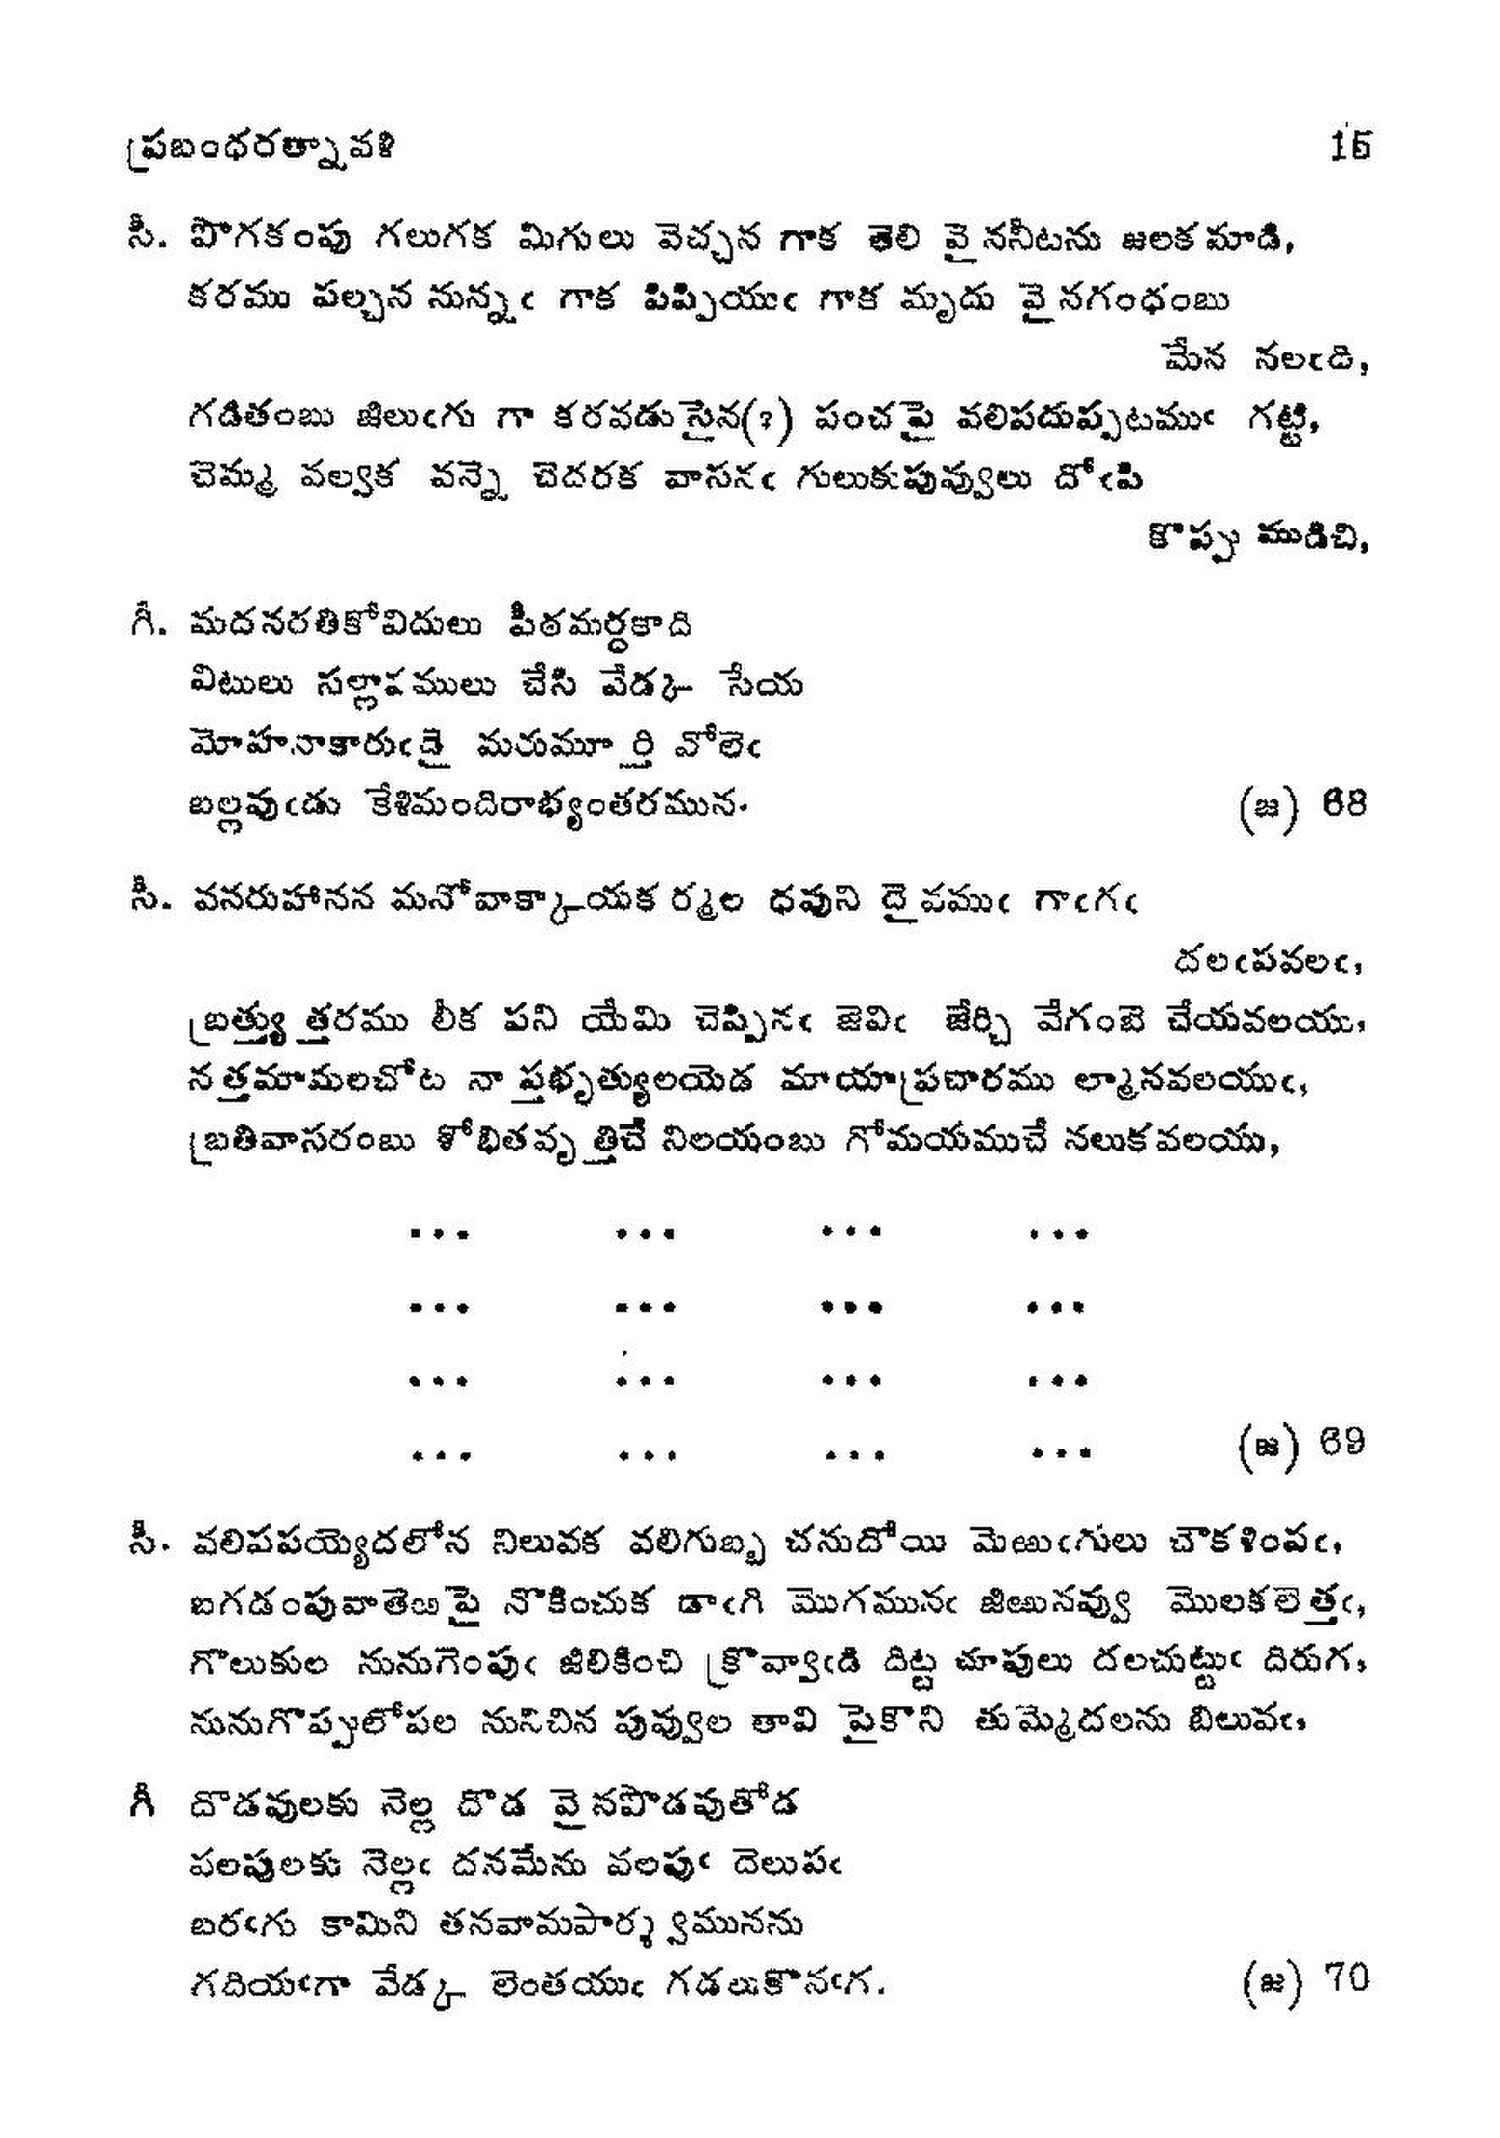సీ. పొగకంపు గలుగక మిగుల వెచ్చన గాక తెలు పైననీటను జలకమాడి,
కరము పల్చన నున్నఁ గాక పిప్పియుఁ గాక మృదు వైనగంధంబు మేన నలఁది,
గడితంబు జిలుఁగు గా కరవడుసైన[?] పంచపై వలిపదుప్పటముఁ గట్టి,
చెమ్మ వల్వక వన్నె చెదరక వాసనఁ గులుకుపువ్వులు దోఁపి కొప్పు ముడిచి,
గీ. మదనరతికోవిదులు పీఠమర్దకాది
విటులు సల్లాపములు చేసి వేడ్క సేయ
మోహనాకారుఁ డై మరుమూర్తి వోలెఁ
బల్లవుఁడు కేళిమందిరాభ్యంతరమున. (జ) 68

సీ. వనరుహానన మనోవాక్కాయకర్మల ధవుని దైవముఁ గాఁగఁ దలఁపవలయుఁ,
బ్రత్యుత్తరము లీక పని యేమి చెప్పినఁ జెవిఁ జేర్చి వేగంబె చేయవలయు,
నత్తమామలచోట నాప్తభృత్యులయెడ మాయాప్రచారము ల్మానవలయుఁ,
బ్రతివాసరంబు శోభితవృత్తిచే నిల యంబు గోమయముచే నలుకవలయు,
గీ. .................
.....................
...................
...................... (జ) 69

సీ. వలిపపయ్యెదలోన నిలువక వలిగుబ్బ చనుదోయి మెఱుఁగులు చౌకళింపఁ,
బగడంపువాతెఱపై నొకించుక డాఁగి మొగమునఁ జిఱునవ్వు మొలక లెత్తఁ,
గొలుకుల నునుగెంపుఁ జిలికించి క్రొవ్వాఁడి దిట్ట చూపులు దలచుట్టుఁ దిరుగ,
నునుగొప్పులోపల నునిచినపువ్వుల తావి పైకొని తుమ్మెదలను బిలువఁ,
గీ. దొడవులకు నెల్లఁ దొడ వైనతొడవుతోడ
వలపుకు నెల్లఁ దనమేను వలపుఁ దెలుపఁ
బరఁగు కామిని తనవామపార్శ్వమునను
గదియఁగా వేడ్క లెంతయుఁ గడలుకొనఁగ. (జ) 70